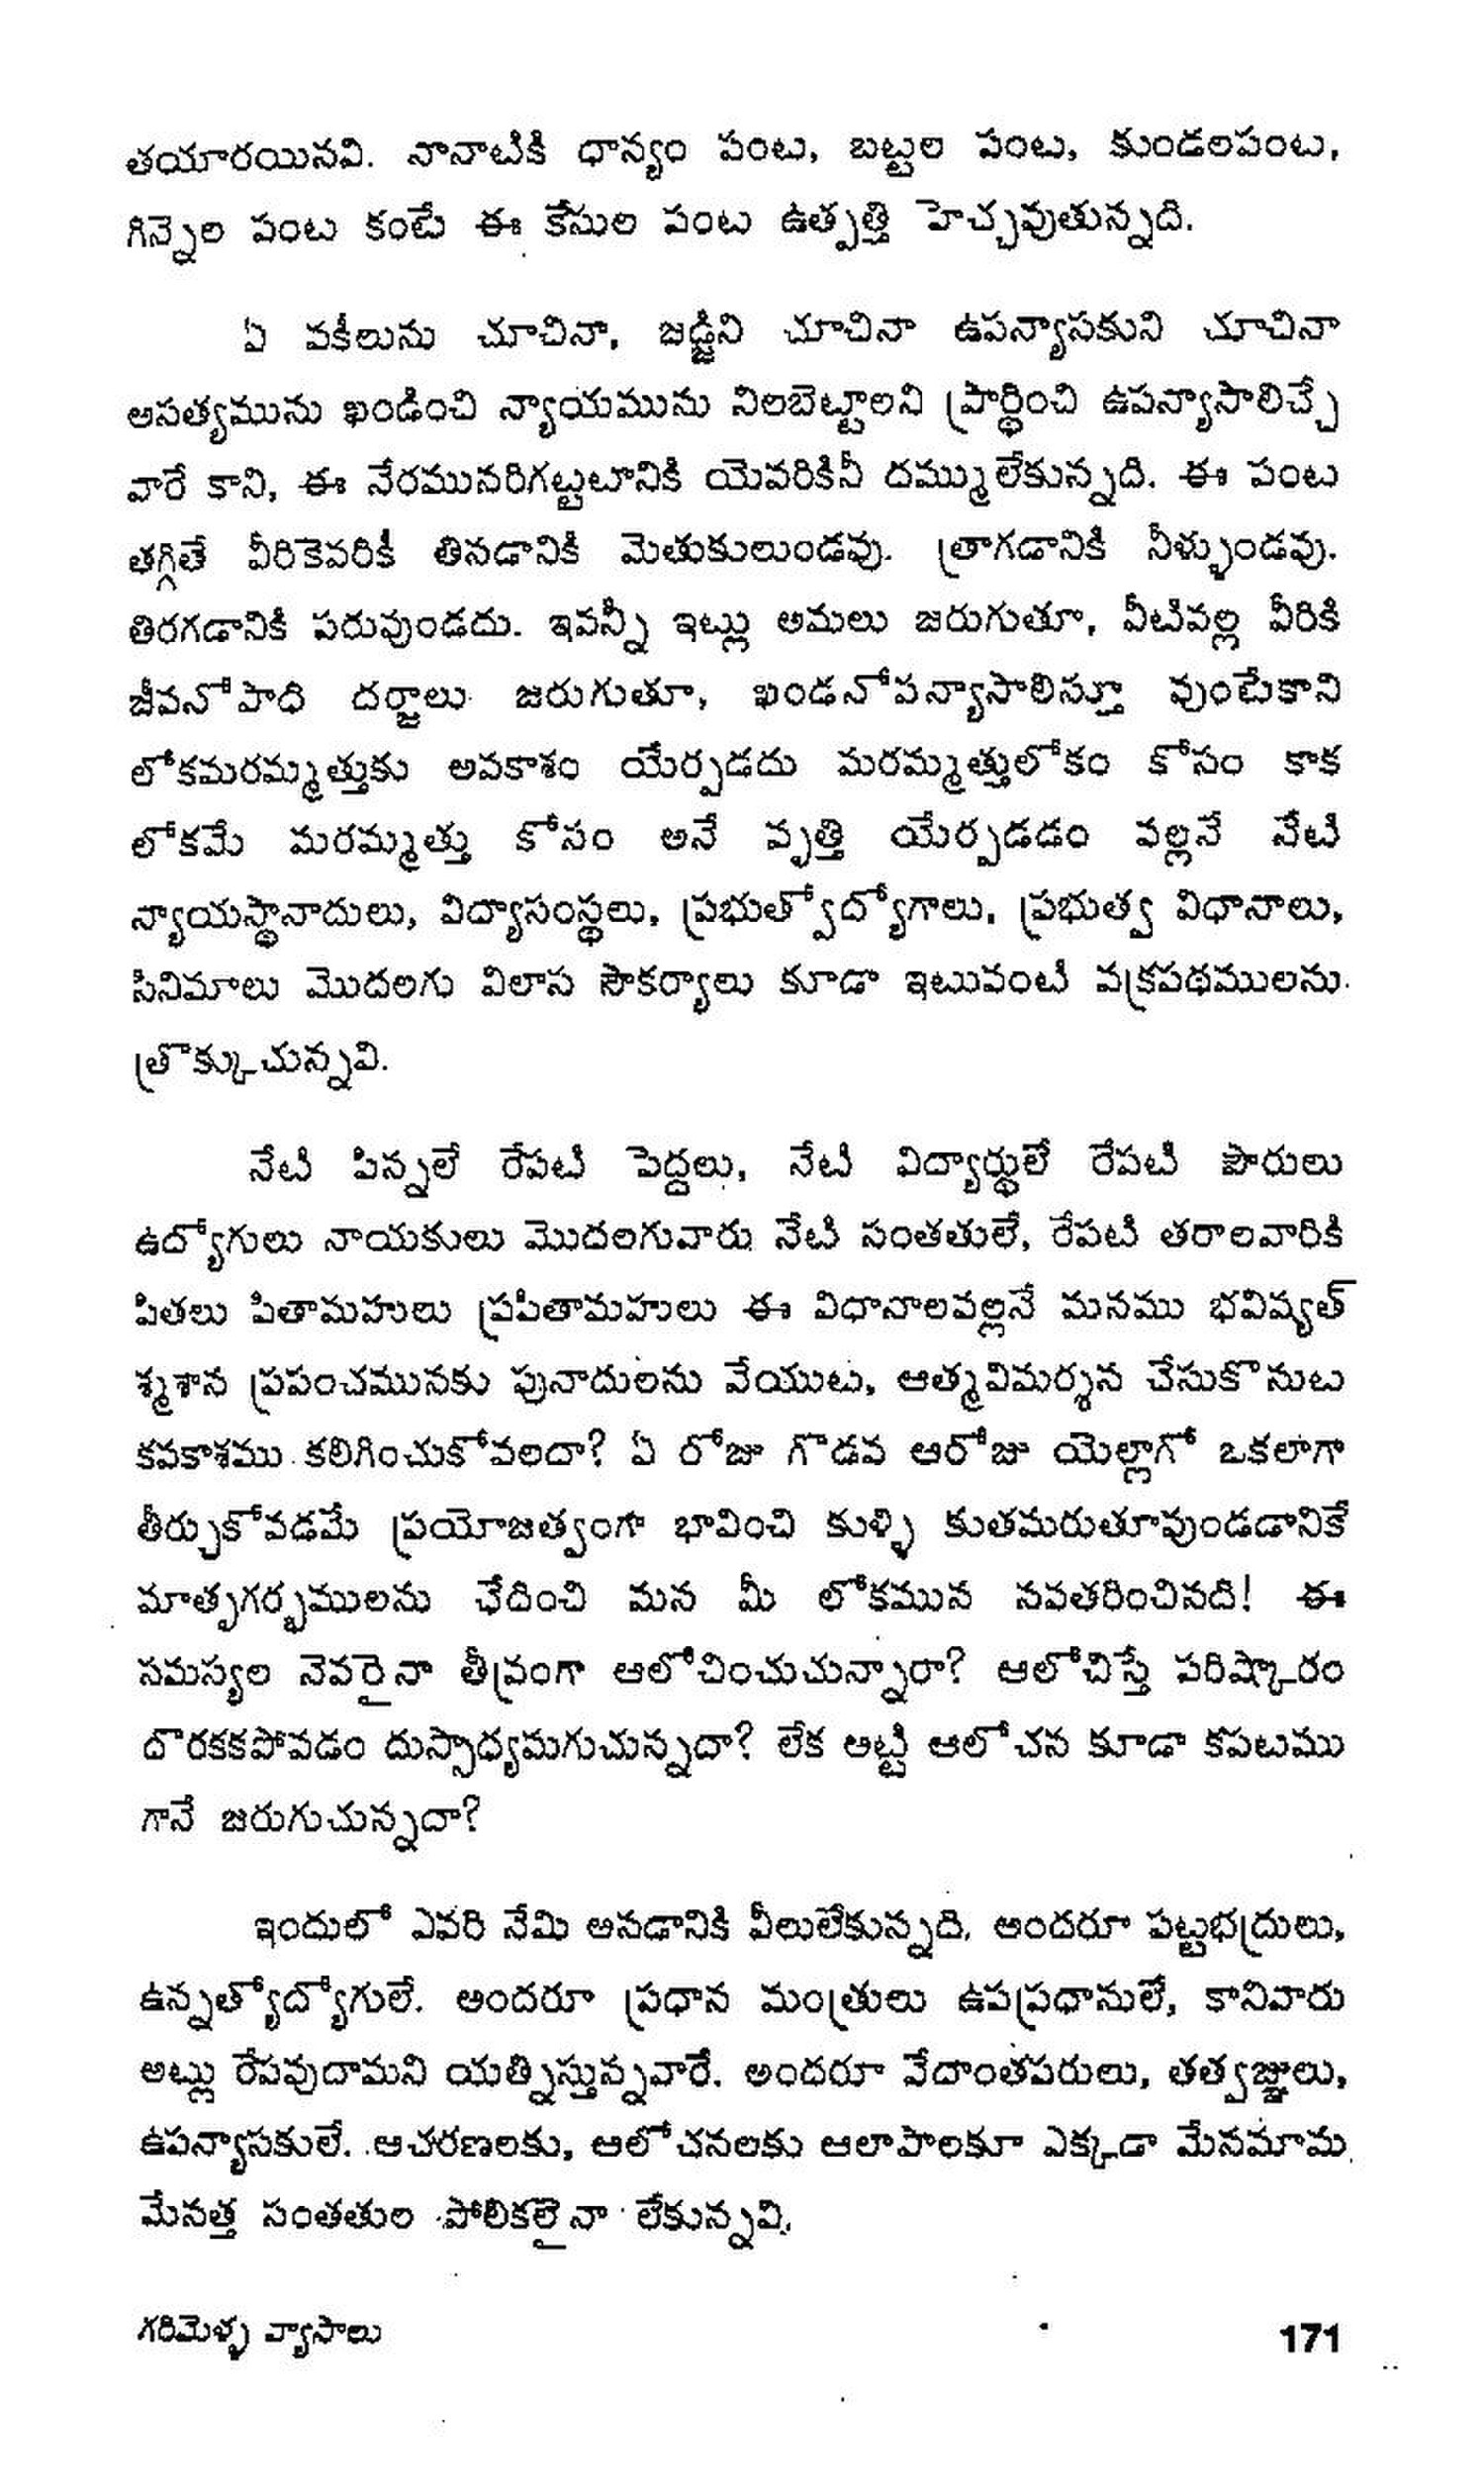తయారయినవి. నానాటికి ధాన్యం పంట, బట్టల పంట, కుండలపంట, గిన్నెల పంట కంటే ఈ కేసుల పంట ఉత్పత్తి హెచ్చవుతున్నది.

ఏ వకీలును చూచినా, జడ్జిని చూచినా ఉపన్యాసకుని చూచినా అసత్యమును ఖండించి న్యాయమును నిలబెట్టాలని ప్రార్థించి ఉపన్యాసాలిచ్చే వారే కాని, ఈ నేరమునరిగట్టటానికి యెవరికినీ దమ్ములేకున్నది. ఈ పంట తగ్గితే వీరికెవరికీ తినడానికి మెతుకులుండవు. త్రాగడానికి నీళ్ళుండవు. తిరగడానికి పరువుండదు. ఇవన్నీ ఇట్లు అమలు జరుగుతూ, వీటివల్ల వీరికి జీవనోపాధి దర్జాలు జరుగుతూ, ఖండనోపన్యాసాలిస్తూ వుంటేకాని లోకమరమ్మత్తుకు అవకాశం యేర్పడదు మరమ్మత్తులోకం కోసం కాక లోకమే మరమ్మత్తు కోసం అనే వృత్తి యేర్పడడం వల్లనే నేటి న్యాయస్థానాదులు, విద్యాసంస్థలు, ప్రభుత్వోద్యోగాలు, ప్రభుత్వ విధానాలు, సినిమాలు మొదలగు విలాస సౌకర్యాలు కూడా ఇటువంటి వక్రపథములను త్రొక్కుచున్నవి.

నేటి పిన్నలే రేపటి పెద్దలు. నేటి విద్యార్థులే రేపటి పౌరులు ఉద్యోగులు నాయకులు మొదలగువారు నేటి సంతతులే, రేపటి తరాలవారికి పితలు పితామహులు ప్రపితామహులు ఈ విధానాలవల్లనే మనము భవిష్యత్ శ్మశాన ప్రపంచమునకు పునాదులను వేయుట, ఆత్మవిమర్శన చేసుకొనుట కవకాశము కలిగించుకోవలదా? ఏ రోజు గొడవ ఆరోజు యెల్లాగో ఒకలాగా తీర్చుకోవడమే ప్రయోజత్వంగా భావించి కుళ్ళీ కుతమరుతూవుండడానికే మాతృగర్భములను చేదించి మన మీ లోకమున నవతరించినది! ఈ సమస్యల నెవరైనా తీవ్రంగా ఆలోచించుచున్నారా? ఆలోచిస్తే పరిష్కారం దొరకకపోవడం దుస్సాధ్యమగుచున్నదా? లేక అట్టి ఆలోచన కూడా కపటముగానే జరుగుచున్నదా?

ఇందులో ఎవరి నేమి అనడానికి వీలులేకున్నది. అందరూ పట్టభద్రులు, ఉన్నతోద్యోగులే. అందరూ ప్రధాన మంత్రులు ఉపప్రధానులే, కానివారు అట్లు రేపవుదామని యత్నిస్తున్నవారే. అందరూ వేదాంతపరులు, తత్వజ్ఞులు, ఉపన్యాసకులే. ఆచరణలకు, ఆలోచనలకు ఆలాపాలకూ ఎక్కడా మేనమామ మేనత్త సంతతుల పోలికలైనా లేకున్నవి.